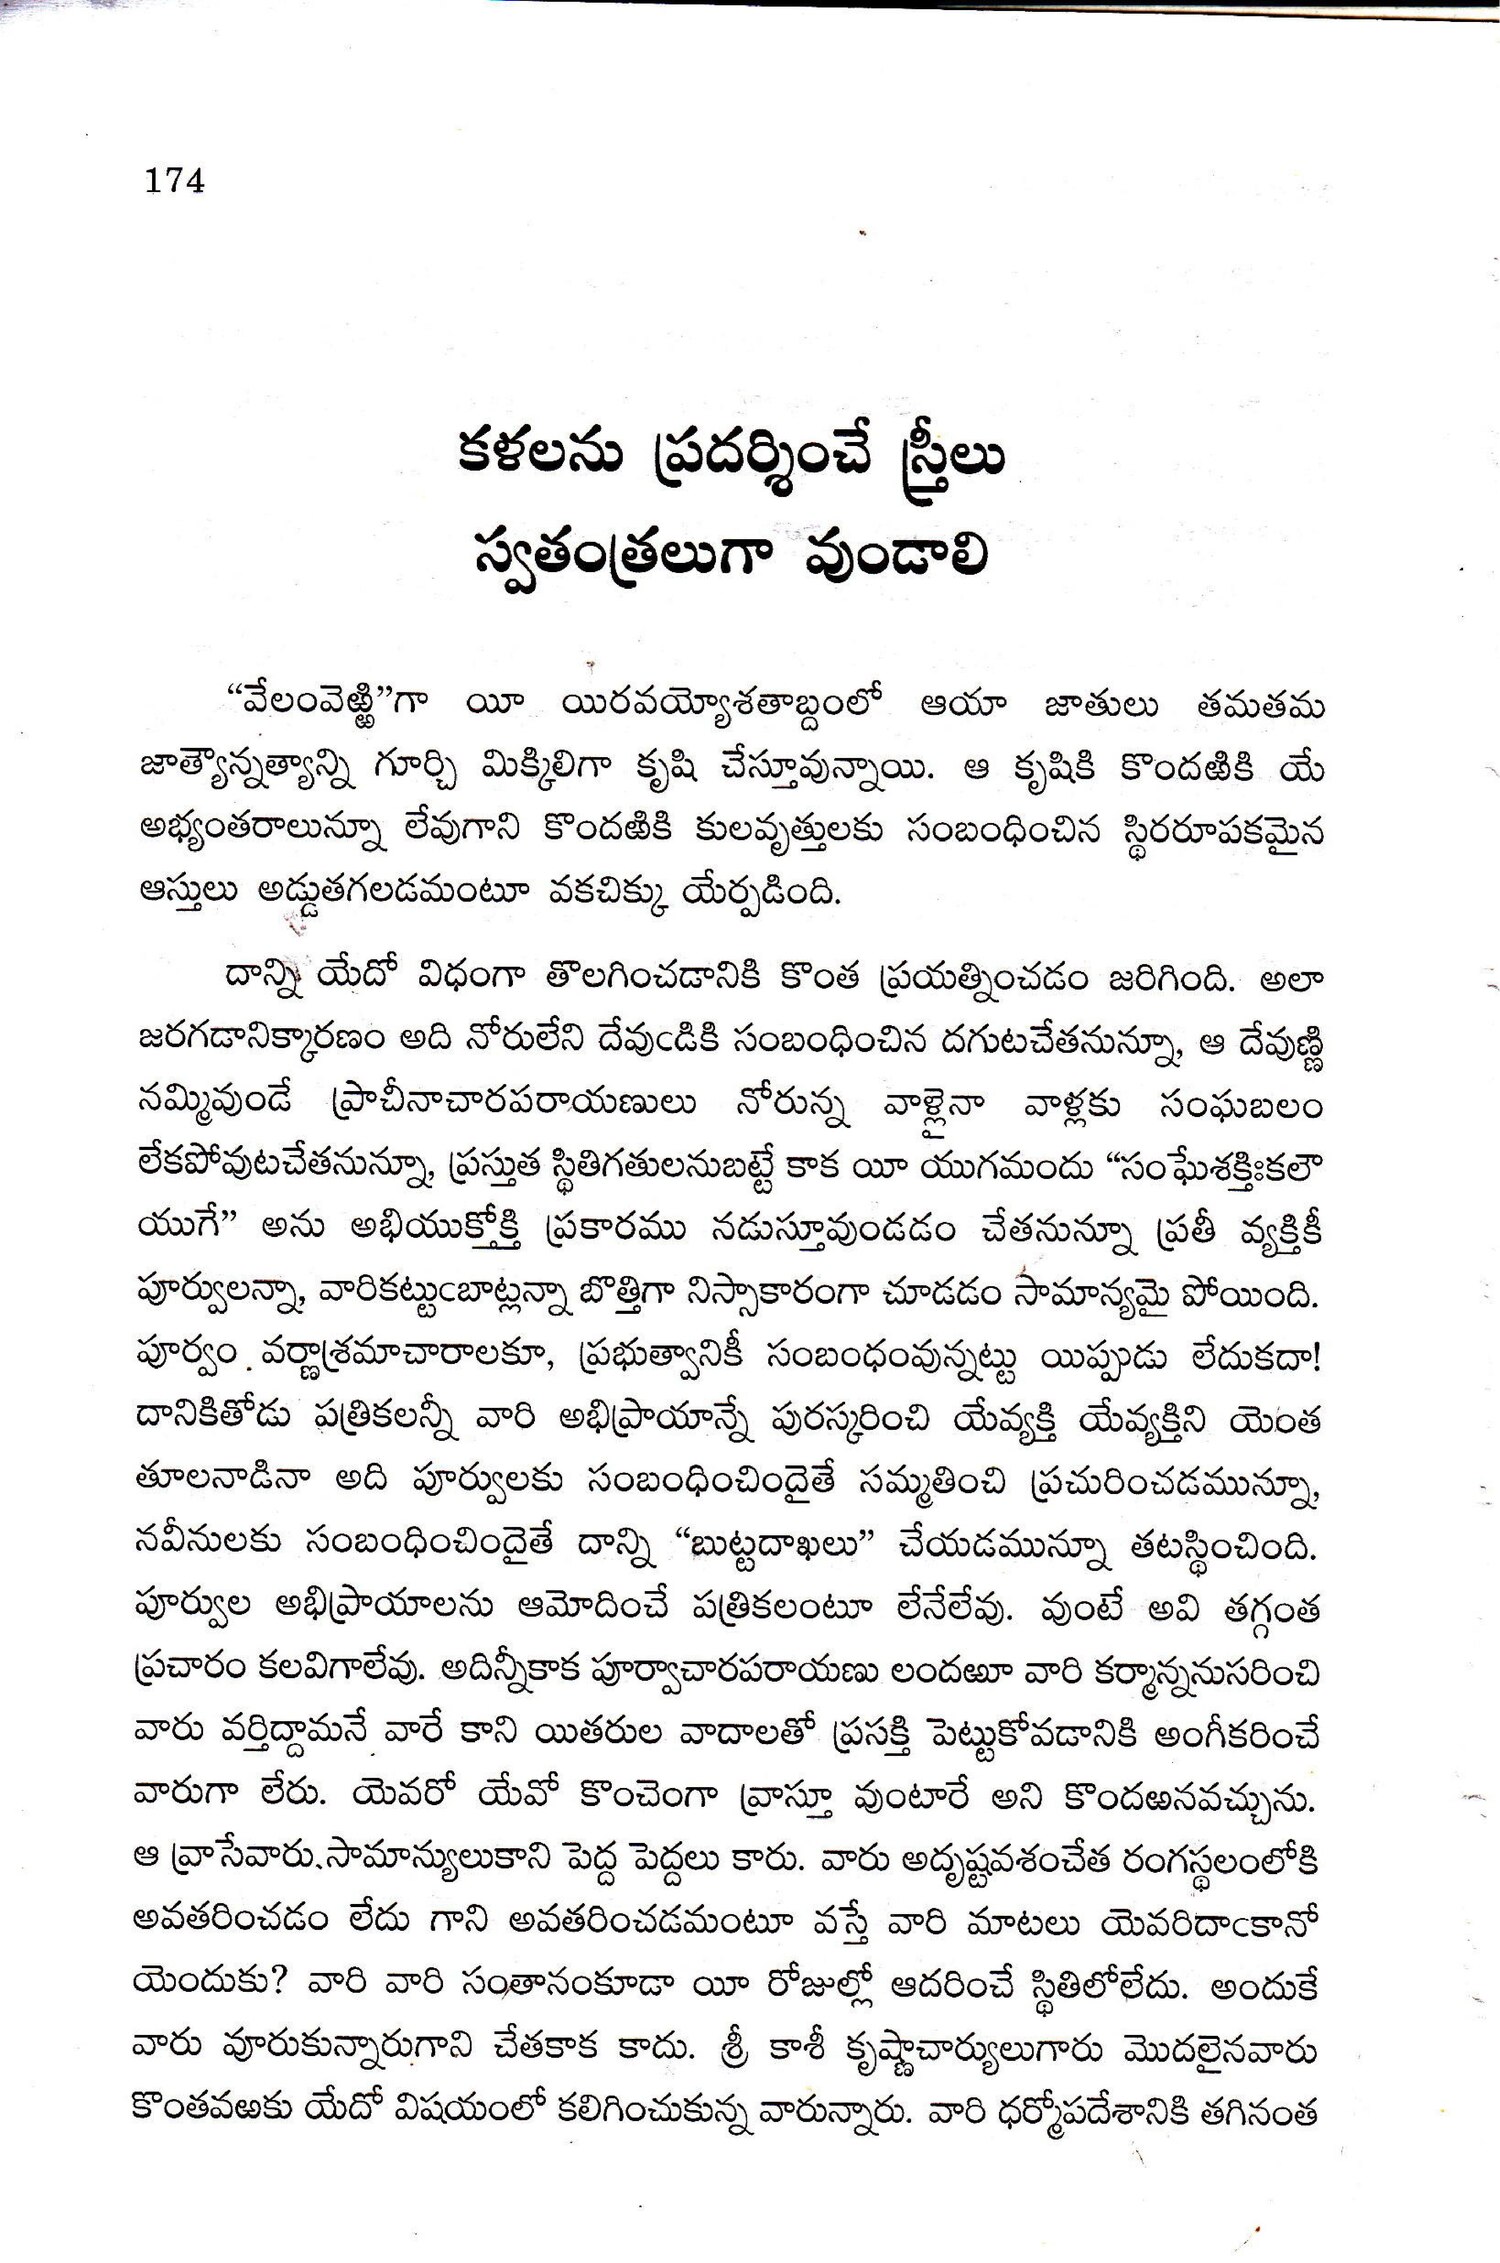కళలను ప్రదర్శించే స్త్రీలు స్వతంత్రలుగా వుండాలి

“వేలంవెఱ్ఱిగా" యీ యిరవయ్యోశతాబ్దంలో ఆయా జాతులు తమతమ జాత్యౌన్నత్యాన్ని గూర్చి మిక్కిలిగా కృషి చేస్తూవున్నాయి. ఆ కృషికి కొందఱికి యే అభ్యంతరాలున్నూ లేవుగాని కొందఱికి కులవృత్తులకు సంబంధించిన స్థిరరూపకమైన ఆస్తులు అడ్డుతగలడమంటూ వకచిక్కు యేర్పడింది.

దాన్ని యేదో విధంగా తొలగించడానికి కొంత ప్రయత్నించడం జరిగింది. అలా జరగడానిక్కారణం అది నోరులేని దేవుఁడికి సంబంధించిన దగుటచేతనున్నూ ఆ దేవుణ్ణి నమ్మివుండే ప్రాచీనాచారపరాయణులు నోరున్న వాళ్లైనా వాళ్లకు సంఘబలం లేకపోవుటచేతనున్నూ ప్రస్తుత స్థితిగతులనుబట్టే కాక యీ యుగమందు “సంఘీశక్తిఃకలౌ యుగే" అను అభియుక్తోక్తి ప్రకారము నడుస్తూవుండడం చేతనున్నూ ప్రతీ వ్యక్తికీ పూర్వులన్నా వారికట్టుఁబాట్లన్నా బొత్తిగా నిస్సాకారంగా చూడడం సామాన్యమై పోయింది. పూర్వం వర్ణాశ్రమాచారాలకూ, ప్రభుత్వానికీ సంబంధంవున్నట్టు యిప్పడు లేదుకదా! దానికితోడు పత్రికలన్నీ వారి అభిప్రాయాన్నే పురస్కరించి యేవ్యక్తి యేవ్యక్తిని యెంత తూలనాడినా అది పూర్వులకు సంబంధించిందైతే సమ్మతించి ప్రచురించడమున్నూ, నవీనులకు సంబంధించిందైతే దాన్ని “బుట్టదాఖలు” చేయడమున్నూ తటస్థించింది. పూర్వుల అభిప్రాయాలను ఆమోదించే పత్రికలంటూ లేనేలేవు. వుంటే అవి తగ్గంత ప్రచారం కలవిగాలేవు. అదిన్నీకాక పూర్వాచారపరాయణు లందఱూ వారి కర్మాన్ననుసరించి వారు వర్తిద్దామనే వారే కాని యితరుల వాదాలతో ప్రసక్తి పెట్టుకోవడానికి అంగీకరించే వారుగా లేరు. యెవరో యేవో కొంచెంగా వ్రాస్తూ వుంటారే అని కొందఱనవచ్చును. ఆ వ్రాసేవారు.సామాన్యులుకాని పెద్ద పెద్దలు కారు. వారు అదృష్టవశంచేత రంగస్థలంలోకి అవతరించడం లేదు గాని అవతరించడమంటూ వస్తే వారి మాటలు యెవరిదాcకానో యెందుకు? వారి వారి సంతానంకూడా యీ రోజుల్లో ఆదరించే స్థితిలోలేదు. అందుకే వారు వూరుకున్నారుగాని చేతకాక కాదు. శ్రీ కాశీ కృష్ణాచార్యులుగారు మొదలైనవారు కొంతవఱకు యేదో విషయంలో కలిగించుకున్నవారున్నారు. వారి ధర్మోపదేశానికి తగినంత